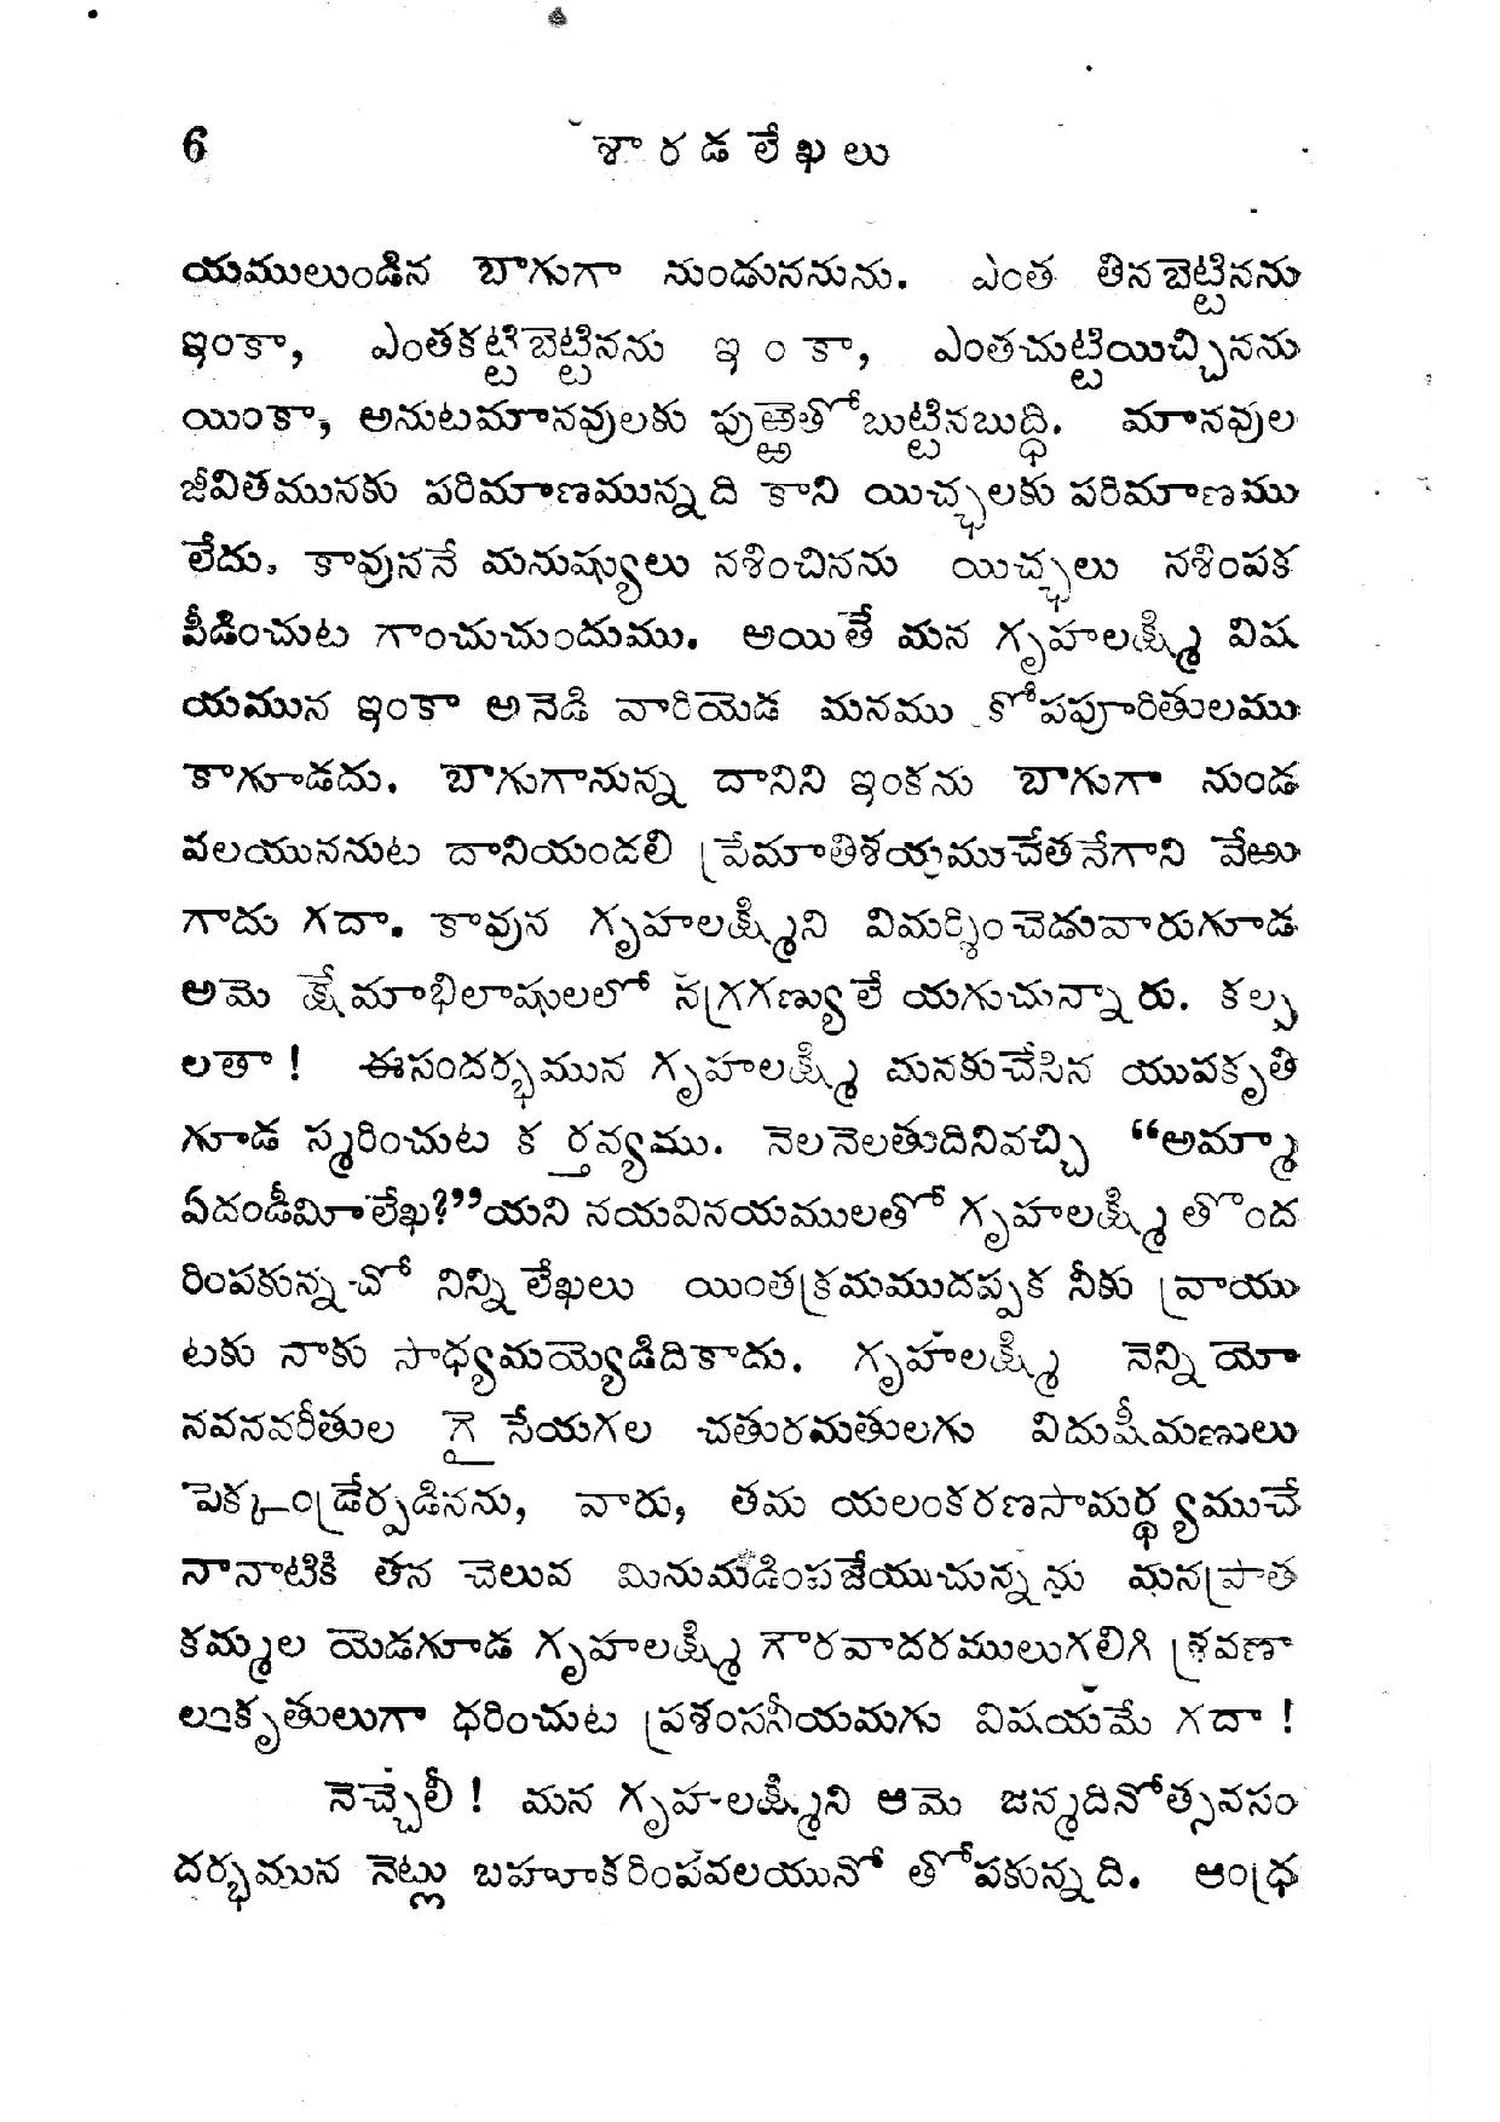యములుండిన బాగుగా నుండుననును. ఎంత తిన బెట్టినను
ఇంకా, ఎంతకట్టి బెట్టినను ఇంకా, ఎంతచుట్టియిచ్చినను
యింకా, అనుటమానవులకు పుఱ్ఱెతో బుట్టినబుద్ధి. మానవుల
జీవితమునకు పరిమాణమున్నది కాని యిచ్ఛలకు పరిమాణము
లేదు, కావుననే మనుష్యులు నశించినను యిచ్చలు నశింపక
పీడించుట గాంచుచుందుము. అయితే మన గృహలక్ష్మి విష
యమున ఇంకా అనెడి వారియెడ మనము కోపపూరితులము
కాగూడదు. బాగుగానున్న దానిని ఇంకను బాగుగా నుండ
వలయుననుట దానియందలి ప్రేమాతిశయముచేతనేగాని వేఱు
గాదు గదా. కావున గృహలక్ష్మిని విమర్శిం చెడువారుగూడ
అమె క్షేమాభిలాషులలో నగ్రగణ్యులే యగుచున్నారు. కల్ప
లతా ! ఈసందర్భమున గృహలక్ష్మి మనకు చేసిన యువకృతి
గూడ స్మరించుట క ర్తన్యము. నెల నెల తుది నివచ్చి “అమ్మా
ఏదండీమీలేఖ?” యని నయవినయములతో గృహలక్ష్మి తొంద
రింపకున్న చో నిన్ని లేఖలు యింతక్రమముదప్పక నీకు వ్రాయు
టకు నాకు సాధ్యమయ్యెడిదికాదు. గృహలక్ష్మి నెన్ని యో
నవనవరీతుల గై సేయగల చతురమతులగు విదుషీమణులు
పెక్కండ్రేర్పడినను, వారు, తమ యలంకరణసామర్థ్యముచే
నానాటికి తన చెలువ మినుమడింప జేయు చున్నను మనప్రాత
కమ్మల యెడగూడ గృహలక్ష్మి గౌరవాదరములుగలిగి శ్రవణా
లంకృతులుగా ధరించుట ప్రశంసనీయమగు విషయమే గదా !

నెచ్చెలీ ! మన గృహలక్ష్మీని ఆమె జన్మదినోత్సవ సం
దర్భమున నెట్లు బహూకరింపవలయునో తో పకున్నది. ఆంధ్ర